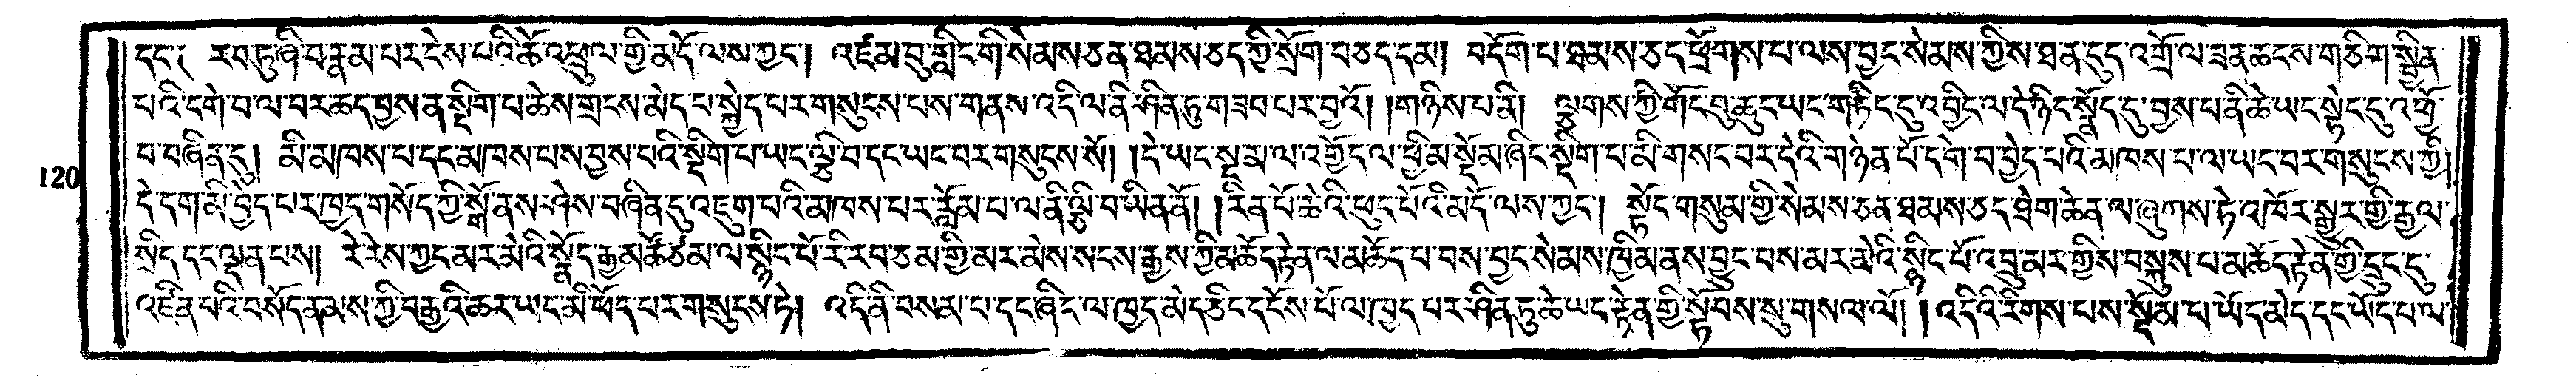དང་༑ རབ་ཏུ་ཞི་བ་རྣམ་པར་ངེས་པའི་ཆོ་འཕྲུལ་གྱི་མདོ་ལས་ཀྱང་། འཛམ་བུ་གླིང་གི་སེམས་ཅན་ཐམས་ཅད་ཀྱི་སྲོག་བཅད་དམ། བདོག་པ་ཐམས་ཅད་ཕྲོགས་པ་ལས་བྱང་སེམས་ཀྱིས་ཐ་ན་དུད་འགྲོ་ལ་ཟན་ཆངས་གཅིག་སྦྱིན་
པའི་དགེ་བ་ལ་བར་ཆད་བྱས་ན་སྡིག་པ་ཆེས་གྲངས་མེད་པ་སྐྱེད་པར་གསུངས་པས་གནས་འདི་ལ་ནི་ཤིན་ཏུ་གཟབ་པར་བྱའོ། །གཉིས་པ་ནི། ལྕགས་ཀྱི་གོང་བུ་ཆུང་ཡང་གཏིང་དུ་འབྱིང་ལ་དེ་ཉིད་སྣོད་དུ་བྱས་པ་ནི་ཆེ་ཡང་སྟེང་དུ་འཕྱོ་
བ་བཞིན་དུ། མི་མཁས་པ་དང་མཁས་པས་བྱས་པའི་སྡིག་པ་ཡང་ལྕི་བ་དང་ཡང་བར་གསུངས་སོ། །དེ་ཡང་སྔ་མ་ལ་འགྱོད་ལ་ཕྱི་མ་སྡོམ་ཞིང་སྡིག་པ་མི་གསང་བར་དེའི་གཉེན་པོ་དགེ་བ་བྱེད་པའི་མཁས་པ་ལ་ཡང་བར་གསུངས་ཀྱི།
དེ་དག་མི་བྱེད་པར་ཁྱད་གསོད་ཀྱི་སྒོ་ནས་ཤེས་བཞིན་དུ་འཇུག་པའི་མཁས་པར་རློམ་པ་ལ་ནི་ལྕི་བ་ཡིན་ནོ། །རིན་པོ་ཆེའི་ཕུང་པོའི་མདོ་ལས་ཀྱང་། སྟོང་གསུམ་གྱི་སེམས་ཅན་ཐམས་ཅད་ཐེག་ཆེན་ལ་ཞུགས་ཏེ་འཁོར་སྒྱུར་གྱི་རྒྱལ་
སྲིད་དང་ལྡན་པས། རེ་རེས་ཀྱང་མར་མེའི་སྣོད་རྒྱ་མཚོ་ཙམ་ལ་སྙིང་པོ་རི་རབ་ཅམ་གྱི་མར་མེས་སངས་རྒྱས་ཀྱི་མཆོད་རྟེན་ལ་མཆོད་པ་བས་བྱང་སེམས་ཁྱིམ་ནས་བྱུང་བས་མར་མེའི་སྙིང་པོ་འབྲུ་མར་གྱིས་བསྐུས་པ་མཆོད་རྟེན་གྱི་དྲུང་དུ་
འཛིན་པའི་བསོད་ནམས་ཀྱི་བརྒྱའི་ཆར་ཡང་མི་ཕོད་པར་གསུངས་ཏེ། འདི་ནི་བསམ་པ་དང་ཞིང་ལ་ཁྱད་མེད་ཅིང་དངོས་པོ་ལ་ཁྱད་པར་ཤིན་ཏུ་ཆེ་ཡང་རྟེན་གྱི་སྟོབས་སུ་གསལ་ལོ། །འདིའི་རིགས་པས་སྡོམ་པ་ཡོད་མེད་དང་ཡོད་པ་ལ་